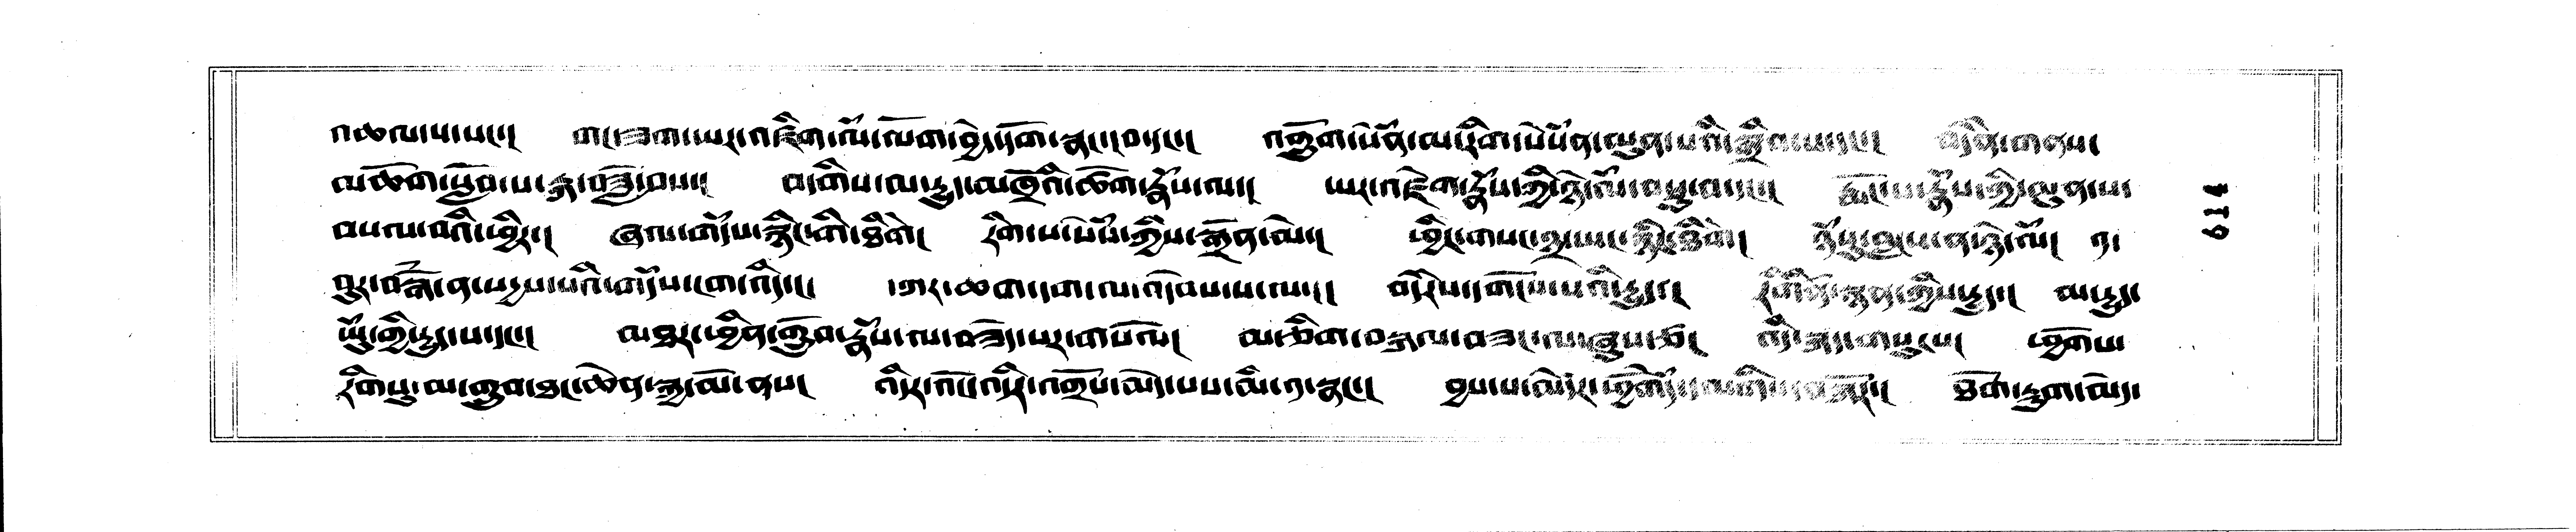འཆལ་པ་ངས། གང་ཟག་ཡར་འཛེགས་ལམ་ལོགས་བྱེད་དོག་སྣང་བ་དང་། འགྲོ་དྲུག་སེམས་ཅན་མ་རིག་མུན་པས་སྒྲིབ་པ་དང་། བདེ་ཆེན་གནས་
མཆོག་སླེབ་པ་དཀའ་དོ་བས། བདག་གིས་མ་རྒྱུད་མཁའ་འགྲོའི་ཚོགས་རྣམས་ལ། ཡར་འཛེགས་རྣམས་ཀྱི་ཉེ་ལམ་བསྡུད་པ་དང་། རྨོངས་པ་རྣམས་ཀྱི་མུན་པ་
བསལ་བའི་ཕྱིར། ཞལ་གདམ་སྙིང་གི་ཐིག་ལེ། རིག་པ་སེམས་ཀྱི་སྒྲོན་མེ། ཕྱི་ནང་གསང་གསུམ་གྱི་སྙིང་ཐིག ཉམས་སུ་བླང་ན་ཉེ་ལམ། གཅིག་
པོར་བསྒོམ་ན་སངས་རྒྱས་པའི་མེན་ངག་འདི། དཀར་ཆག་དག་ལ་བཏབ་པ་ལ། བདེར་གཤེགས་དགོངས་པའི་རྒྱུད་པ། རིག་འཛིན་སྙན་གྱི་བརྒྱུད་པ། མ་རྒྱུད་
ཡུམ་གྱི་རྒྱུད་པ། མཐར་ཕྱིན་གྲུབ་ཐོབ་རྣམས་ལ་བཟོད་པར་གསོལ། མ་ཅིག་སྐལ་བཟང་ལ་ཞུས་ཙ། འདི་སྐད་གསུངས། ཕྱོགས་
རིས་སུ་མ་གྲུབ་ཐང་ཆེན་སྐྱ་མོ་ན། འདིར་འོང་འདིར་འགྲོ་མེད་པའི་མི་གཅིག་སྣང་། བྱས་པ་མེད་པར་ཕྱོགས་མེད་དམག་གི་བསྐོར། བུ་ཐོག་སྡུག་༼རྡུག༽མེད་